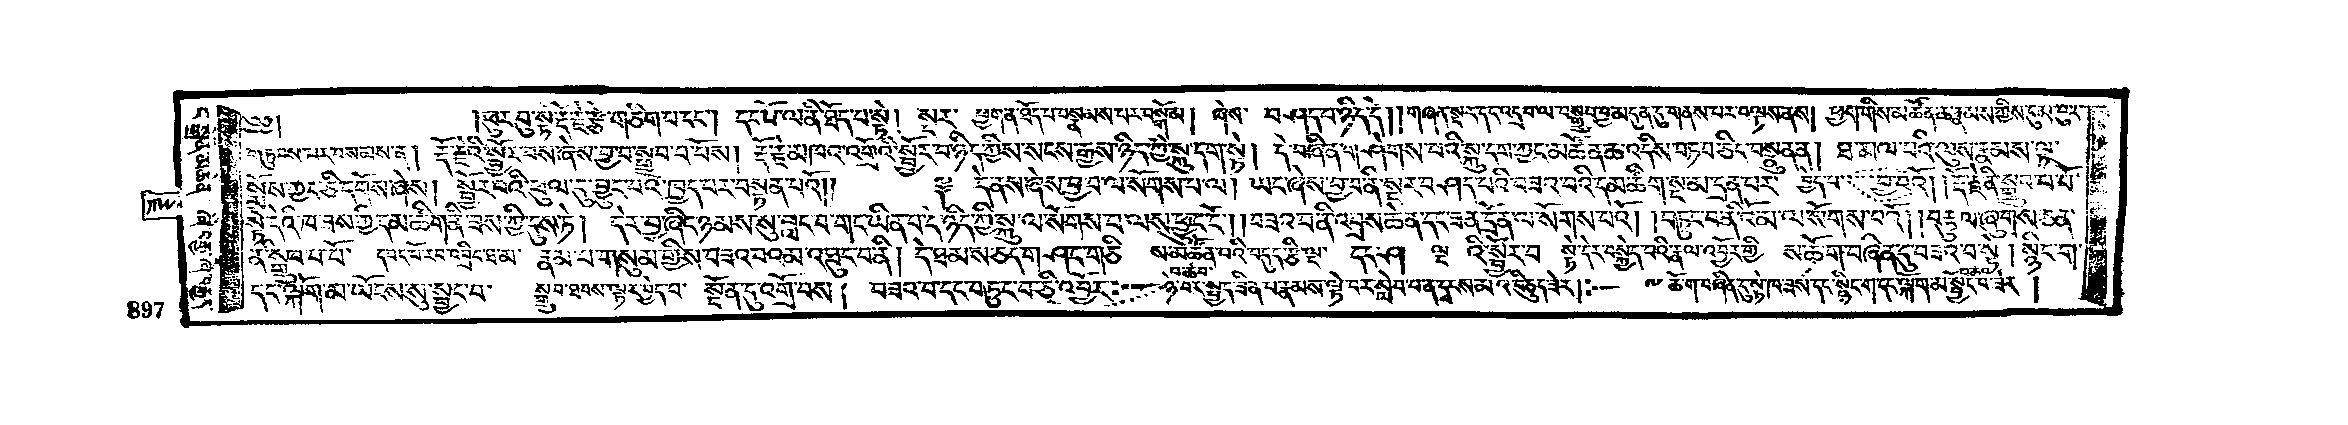༄༅། །ཕུར་བུ་སྟེ་རྡོ་རྗེ་རྩེ་གཅིག་པ་དང་། དང་པོ་ལ་ནི་ཐོད་པ་སྟེ། སྔར་ཕྱག་ན་ཐོད་པ་བསྣམས་པར་བསྒོམ། ཞེས་བཤད་པ་ཉིད་དོ། །གཞན་སྔར་དང་འདྲ་བ་ལ་བསྒྲུབ་བྱ་མདུན་དུ་གནས་པར་བལྟས་ནས། ཕྱག་གིས་མཚོན་ཆ་རྣམས་ཀྱིས་དུམ་བུར་
གཏུབས་པར་བསམས་ན། རྡོ་རྗེའི་སྦྱོར་བས་ཞེས་བྱ་བ་སྒྲུབ་པ་པོས། རྡོ་རྗེ་མཁའ་འགྲོའི་སྦྱོར་བ་ཉིད་ཀྱིས་སངས་རྒྱས་ཉིད་ཀྱི་སྐུ་དག་སྟེ། དེ་བཞིན་གཤེགས་པའི་སྐུ་དག་ཀྱང་མཚོན་ཆ་འདིས་བཏབ་ཅིང་བསྣུན་ན། ཐ་མལ་པའི་ལུས་རྣམས་ལྟ་
སྨོས་ཀྱང་ཅི་དགོས་ཞེས། སྦྱོར་བའི་ཕུལ་དུ་བྱུང་བའི་ཁྱད་པར་བསྟན་པའོ།། ༈ དེ་ནས་ཞེས་བྱ་བ་ལ་སོགས་པ་ལ། ཡང་ཞེས་བྱ་བ་ནི་སྔར་བཤད་པའི་བཟའ་བའི་དམ་ཚིག་སྔ་མ་དྲན་པར་བྱེད་པ་བྱ་བའོ། །རྡོ་རྗེ་ནི་སྒྲུབ་པ་པོ་
སྟེ་དེའི་ཁ་ཟས་ཀྱི་དམ་ཚིག་ནི་ཟས་ཀྱི་དུས་ཏེ། དེར་བྱ་ཞིང་ཉམས་སུ་བླང་བ་གང་ཡིན་པ་དེ་ཉིད་ཀྱི་སྐུ་ལ་སོགས་པ་ལས་ཕྱུང་ངོ། །བཟའ་བ་ནི་འབྲས་ཆེན་དང་ཟན་དྲོན་ལ་སོགས་པའོ། །བཏུང་བ་ནི་འོ་མ་ལ་སོགས་པའོ། །བརྟུལ་ཞུགས་ཅན་
ནི་སྒྲུབ་པ་པོ་དབང་པོ་རབ་འབྲིང་ཐ་མ་རྣམ་པ་གསུམ་གྱིས་བཟའ་བའམ་འཐུང་བ་ནི། དེ་ཐམས་ཅད་གཤང་གཅིས་མཚོན་པའི་བདུད་རྩི་ལྔ་དང་ཤ་ལྔའི་སྦྱོར་བ་སྟེ་དེར་བསྐྱེད་པའི་རྣལ་འབྱོར་གྱིས་ཆོ་ག་བཞིན་དུ་བཟའ་བ་སྟེ། སྙིང་ག་
དང་ལྐོག་མ་ཡོངས་སུ་སྦྱང་བ་སྒྲུབ་ཐབས་ལྟར་བྱེད་པ་སྔོན་དུ་འགྲོ་བས། བཟའ་བ་དང་བཏུང་བ་ཅི་འབྱོར་ཉེ་བར་པ་ཚབ་སྤྱད་ཟིན་པ་རྣམས་ལྟེ་བར་སླེབ་པ་ན་དྭངས་མའི་བཅུད་ཟེར། ༧ཆོ་ག་བཞིན་དུ་སྟེ་ཁ་ཟས་དང་སྙིང་ག་དང་ལྐོག་མ་སྦྱོང་པ་ཚབ་བ་ཟེར།